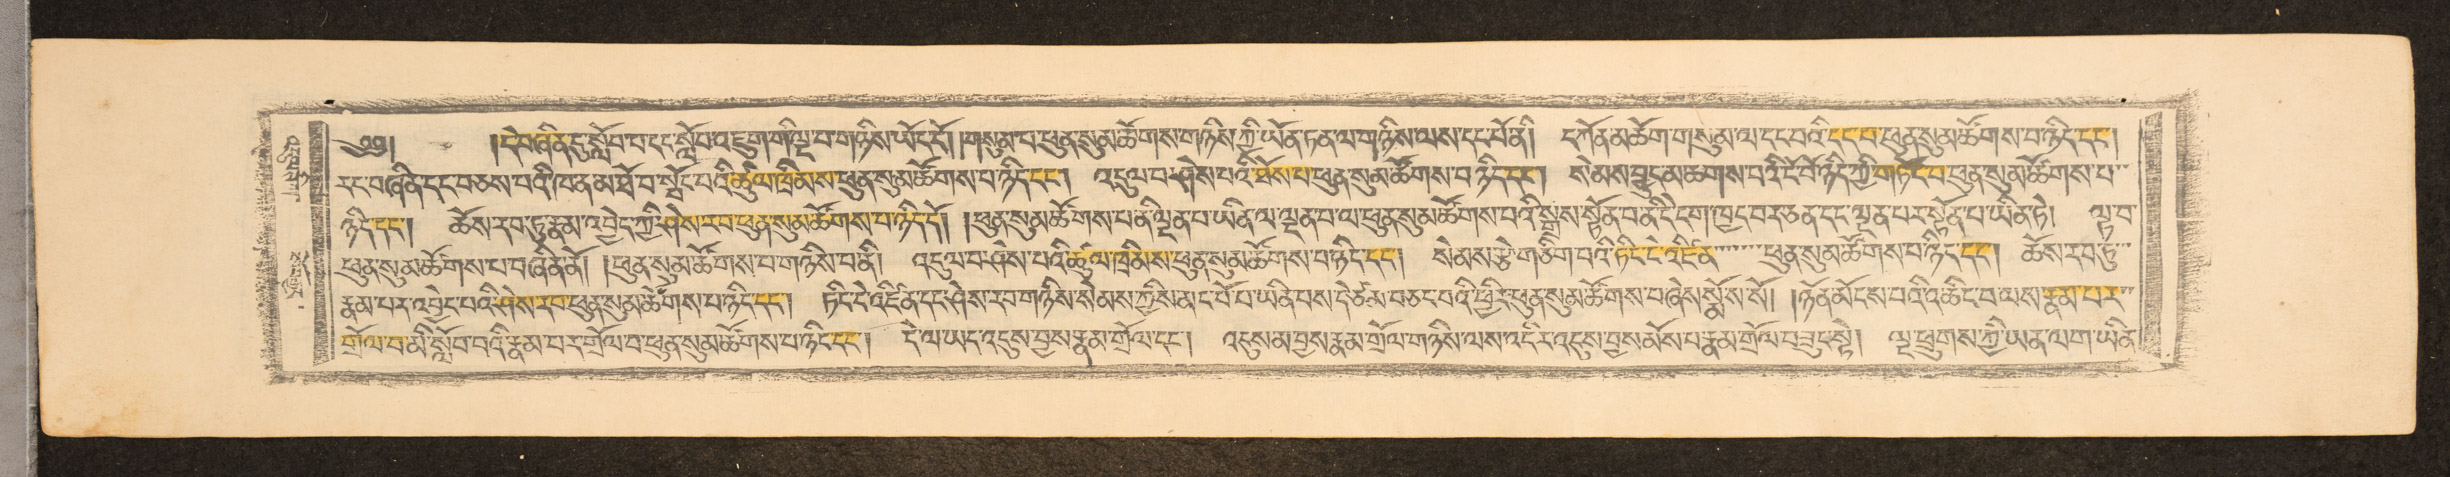༄༅། །དེ་བཞིན་དུ་སློབ་པ་དང་སློབ་འཇུག་གི་ལྔ་པ་གཉིས་ཡོད་དོ། །གསུམ་པ་ཕུན་སུམ་ཚོགས་གཉིས་ཀྱི་ཡོན་ཏན་ལ་གཉིས་ལས་དང་པོ་ནི། དཀོན་མཆོག་གསུམ་ལ་དང་བའི་དད་པ་ཕུན་སུམ་ཚོགས་པ་ཉིད་དང་།
རང་བཞིན་དང་བཅས་པའི་ཁ་ན་མ་ཐོ་བ་སྤོང་པའི་ཚུལ་ཁྲིམས་ཕུན་སུམ་ཚོགས་པ་ཉིད་དང་། འདུལ་བ་ཤེས་པའི་ཐོས་པ་ཕུན་སུམ་ཚོགས་པ་ཉིད་དང་། སེམས་བྱུང་མ་ཆགས་པའི་ངོ་བོ་ཉིད་ཀྱི་གཏོང་བ་ཕུན་སུམ་ཚོགས་པ་
ཉིད་དང་། ཆོས་རབ་ཏུ་རྣམ་འབྱེད་ཀྱི་ཤེས་རབ་ཕུན་སུམ་ཚོགས་པ་ཉིད་དོ། །ཕུན་སུམ་ཚོགས་པ་ནི་ལྡན་པ་ཡིན་ལ་ལྡན་པ་ལ་ཕུན་སུམ་ཚོགས་པའི་སྒྲས་སྟོན་པ་ནི་དེ་དག་ཁྱད་པར་ཅན་དང་ལྡན་པར་སྟོན་པ་ཡིན་ཏེ། ལྟ་བ་
ཕུན་སུམ་ཚོགས་པ་བཞིན་ནོ། །ཕུན་སུམ་ཚོགས་པ་གཉིས་པ་ནི། འདུལ་བ་ཤེས་པའི་ཚུལ་ཁྲིམས་ཕུན་སུམ་ཚོགས་པ་ཉིད་དང་། སེམས་རྩེ་གཅིག་པའི་ཏིང་ངེ་འཛིན་ཕུན་སུམ་ཚོགས་པ་ཉིད་དང་། ཆོས་རབ་ཏུ་
རྣམ་པར་འབྱེད་པའི་ཤེས་རབ་ཕུན་སུམ་ཚོགས་པ་ཉིད་དང་། ཏིང་ངེ་འཛིན་དང་ཤེས་རབ་གཉིས་སེམས་ཀྱིས་མང་པོ་པ་ཡིན་པས་དེ་ཙམ་བཅད་པའི་ཕྱིར་ཕུན་སུམ་ཚོགས་བ་ཞེས་སྨོས་སོ། །ཉོན་མོངས་པའི་འཆིང་བ་ལས་རྣམ་པར་
གྲོལ་བ་མི་སློབ་པའི་རྣམ་པར་གྲོལ་བ་ཕུན་སུམ་ཚོགས་བ་ཉིད་དང་། དེ་ལ་ཡང་འདུས་བྱས་རྣམ་གྲོལ་དང་། འདུས་མ་བྱས་རྣམ་གྲོལ་གཉིས་ལས་འདིར་འདུས་བྱས་མོས་པ་རྣམ་གྲོལ་བཟུང་སྟེ། ལྔ་ཕྲུགས་ཀྱི་ཡན་ལག་ཡིན་